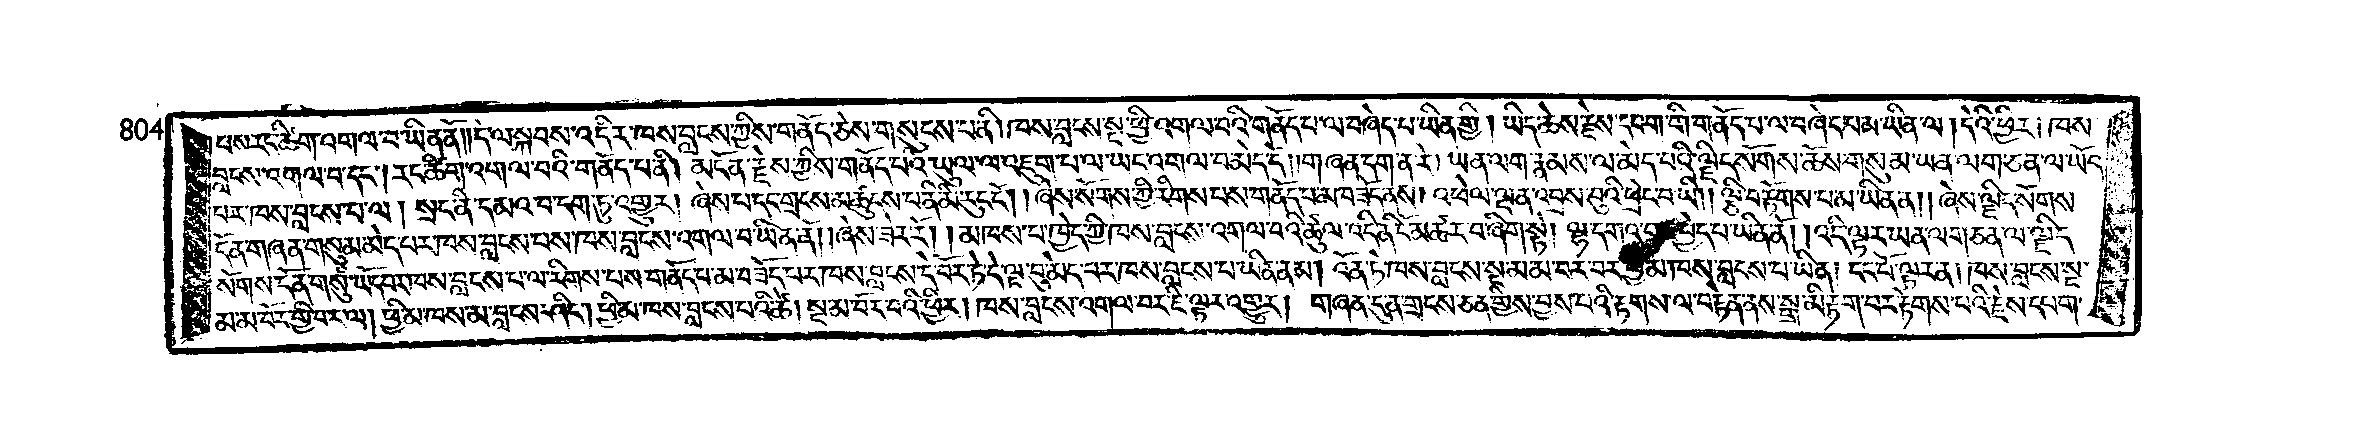པས་རང་ཚིག་འགལ་བ་ཡིན་ནོ། །དེ་ལ་སྐབས་འདིར་ཁས་བླངས་ཀྱི་གནོད་ཅེས་གསུངས་པ་ནི། ཁས་བླངས་སྔ་ཕྱི་འགལ་བའི་གནོད་པ་ལ་བཞེད་པ་ཡིན་གྱི། ཡིད་ཆེས་རྗེས་དཔག་གི་གནོད་པ་ལ་བཞེད་པ་མ་ཡིན་ལ། དེའི་ཕྱིར། ཁས་
བླངས་འགལ་བ་དང་། རང་ཚིག་འགལ་བའི་གནོད་པ་ནི། མངོན་རྗེས་ཀྱིས་གནོད་པའི་ཡུལ་ལ་འཇུག་པ་ལ་ཡང་འགལ་བ་མེད་དོ། །གཞན་དག་ན་རེ། ཡན་ལག་རྣམས་ལ་མེད་པའི་ལྗིད་སོགས་ཆོས་གསུམ་ཡན་ལག་ཅན་ལ་ཡོད་
པར་ཁས་བླངས་པ་ལ། སྲངས་ནི་དམའ་བ་དག་ཏུ་འགྱུར། ཞེས་པ་དང་གྲངས་མཚུངས་པ་ནི་མི་རུང་ངོ། །ཞེས་སོགས་ཀྱི་རིགས་པས་གནོད་པ་མ་བཟོད་ནས། འཕེལ་ལྡན་འབྲས་བུའི་ཕྲེང་བ་ཡི། །ལྕི་བ་རྟོགས་པ་མ་ཡིན་ན། །ཞེས་ལྗིད་སོགས་
དོན་གཞན་གསུམ་མེད་པར་ཁས་བླངས་པས་ཁས་བླངས་འགལ་བ་ཡིན་ནོ། །ཞེས་ཟེར་རོ། །མཁས་པ་ཁྱེད་ཀྱི་ཁས་བླངས་འགལ་བའི་ཚུལ་འདི་ནི་ངོ་མཚར་བ་ཞིག་སྟེ། ལྷ་དགའ་བར་བྱེད་པ་ཡིན་ནོ། །འདི་ལྟར་ཡན་ལག་ཅན་ལ་ལྗིད་
སོགས་དོན་གསུམ་ཡོད་པར་ཁས་བླངས་པ་ལ་རིགས་པས་གནོད་པ་མ་བཟོད་པར་ཁས་བླངས་དེ་བོར་ཏེ་དེ་ལྟ་བུ་མེད་པར་ཁས་བླངས་པ་ཡིན་ནམ། འོན་ཏེ་ཁས་བླངས་སྔ་མ་མ་བོར་བར་ཕྱི་མ་ཁས་བླངས་པ་ཡིན། དང་པོ་ལྟར་ན། ཁས་བླངས་སྔ་
མ་མ་བོར་གྱི་བར་ལ། ཕྱི་མ་ཁས་མ་བླངས་ཤིང་། ཕྱི་མ་ཁས་བླངས་པའི་ཚེ། སྔ་མ་བོར་བའི་ཕྱིར། ཁས་བླངས་འགལ་བར་ཇི་ལྟར་འགྱུར། གཞན་དུ་ན་གྲངས་ཅན་གྱིས་བྱས་པའི་རྟགས་ལ་བརྟེན་ནས་སྒྲ་མི་རྟག་པར་རྟོགས་པའི་རྗེས་དཔག་